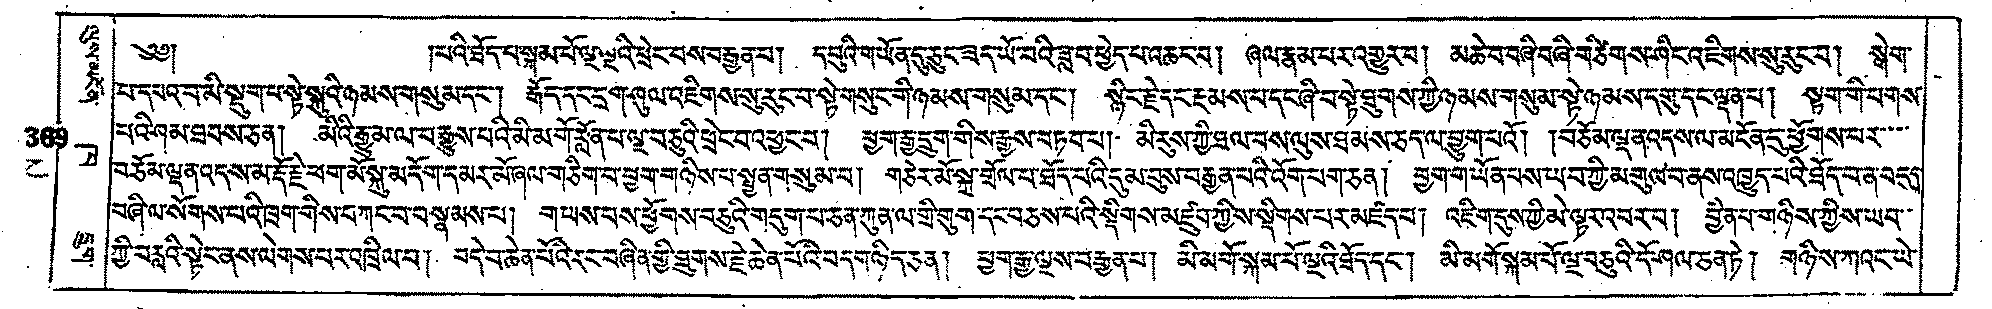༄༅། །པའི་ཐོད་པ་སྐམ་པོ་ལྔ་ལྔའི་ཕྲེང་བས་བརྒྱན་པ། དབུའི་གཡོན་དུ་ཅུང་ཟད་ཡོ་བའི་ཟླ་བ་ཕྱེད་པ་འཆང་བ། ཞལ་རྣམ་པར་འགྱུར་བ། མཆེ་བ་བཞི་བཞི་གཙིགས་ཤིང་འཇིགས་སུ་རུང་བ། སྒེག་
པ་དཔའ་བ་མི་སྡུག་པ་སྟེ་སྐུའི་ཉམས་གསུམ་དང་། རྒོད་དང་དྲག་ཤུལ་འཇིགས་སུ་རུང་བ་སྟེ་གསུང་གི་ཉམས་གསུམ་དང་། སྙིང་རྗེ་དང་རྔམས་པ་དང་ཞི་བ་སྟེ་ཐུགས་ཀྱི་ཉམས་གསུམ་སྟེ་ཉམས་དགུ་དང་ལྡན་པ། སྟག་གི་པགས་
པའི་ཤམ་ཐབས་ཅན། མིའི་རྒྱུ་མ་ལ་བརྒྱུས་པའི་མི་མགོ་རློན་པ་ལྔ་བཅུའི་ཕྲེང་བ་འཕྱང་བ། ཕྱག་རྒྱ་དྲུག་གིས་རྒྱས་བཏབ་པ། མི་རུས་ཀྱི་ཐལ་བས་ལུས་ཐམས་ཅད་ལ་བྱུག་པའོ། །བཅོམ་ལྡན་འདས་ལ་མངོན་དུ་ཕྱོགས་པར་་་
བཅོམ་ལྡན་འདས་མ་རྡོ་རྗེ་ཕག་མོ་སྐུ་མདོག་དམར་མོ་ཞལ་གཅིག་པ་ཕྱག་གཉིས་པ་སྤྱན་གསུམ་པ། གཅེར་མོ་སྐྲ་གྲོལ་པ་ཐོད་པའི་དུམ་བུས་བརྒྱན་པའི་འོག་པག་ཅན། ཕྱག་གཡོན་པས་ཡབ་ཀྱི་མགུལ་བ་ནས་འཁྱུད་པའི་ཐོད་པ་ན་བདུད་
བཞི་ལ་སོགས་པའི་ཁྲག་གིས་བཀང་བ་བསྣམས་པ། གཡས་པས་ཕྱོགས་བཅུའི་གདུག་པ་ཅན་ཀུན་ལ་གྲི་གུག་དང་བཅས་པའི་སྡིགས་མཛུབ་ཀྱིས་སྡིགས་པར་མཛད་པ། འཇིག་དུས་ཀྱི་མེ་ལྟར་འབར་བ། བྱིན་པ་གཉིས་ཀྱིས་ཡབ་་་
ཀྱི་བརླའི་སྟེང་ནས་ལེགས་པར་འཁྲིལ་བ། བདེ་བ་ཆེན་པོའི་རང་བཞིན་གྱི་ཐུགས་རྗེ་ཆེན་པོའི་བདག་ཉིད་ཅན། ཕྱག་རྒྱ་ལྔས་བརྒྱན་པ། མི་མགོ་སྐམ་པོ་ལྔའི་ཐོད་དང་། མི་མགོ་སྐམ་པོ་ལྔ་བཅུའི་དོ་ཤལ་ཅན་ཏེ། གཉིས་ཀའང་ཡེ་